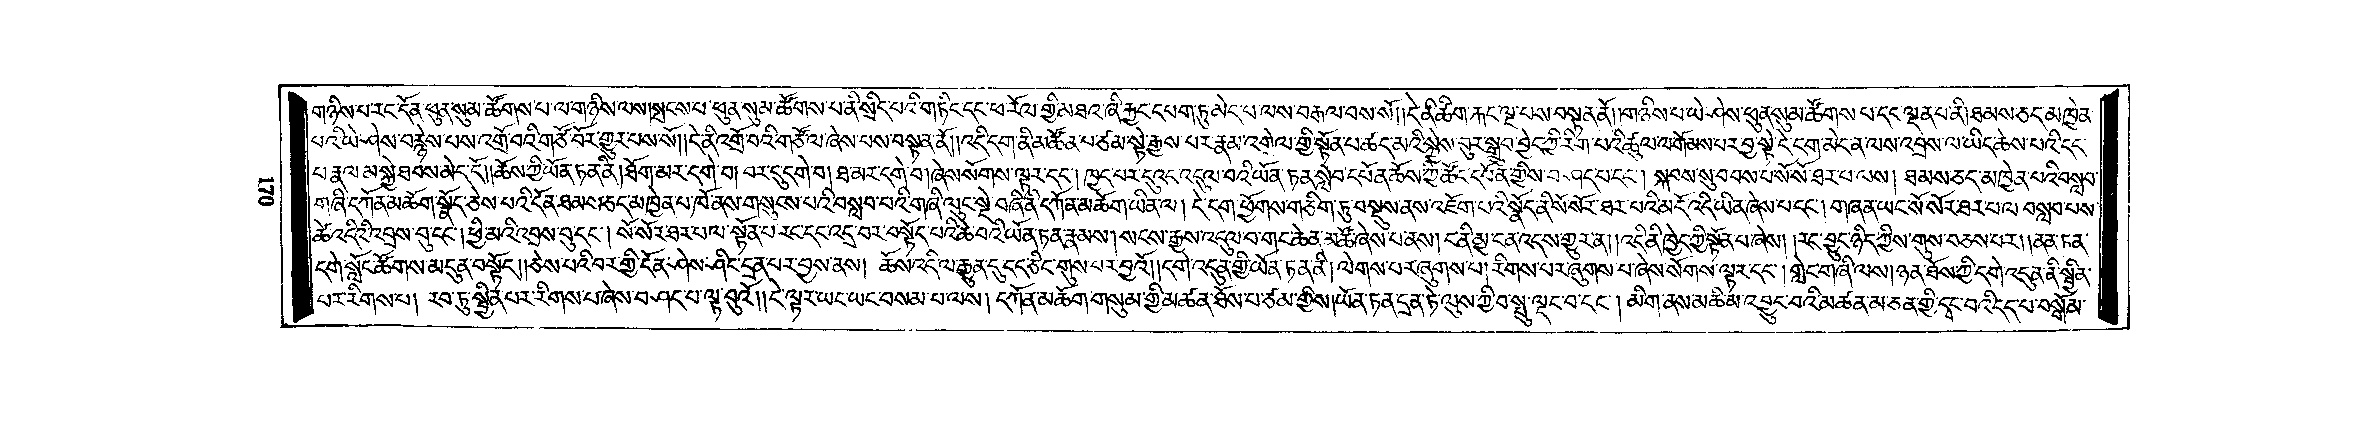གཉིས་པ་རང་དོན་ཕུན་སུམ་ཚོགས་པ་ལ་གཉིས་ལས། སྤངས་པ་ཕུན་སུམ་ཚོགས་པ་ནི་སྲིད་པའི་གཏིང་དང་ཕ་རོལ་གྱི་མཐའ་ཞི་རྐྱང་དཔག་ཏུ་མེད་པ་ལས་བརྒལ་བས་སོ། །དེ་ནི་ཚིག་རྐང་ལྔ་པས་བསྟན་ནོ། །གཉིས་པ་ཡེ་ཤེས་ཕུན་སུམ་ཚོགས་པ་དང་ལྡན་པ་ནི། ཐམས་ཅད་མཁྱེན་
པའི་ཡེ་ཤེས་བརྙེས་པས་འགྲོ་བའི་གཙོ་བོར་གྱུར་པས་སོ། །དེ་ནི་འགྲོ་བའི་གཙོ་ལ་ཞེས་པས་བསྟན་ནོ། །འདི་དག་ནི་མཚོན་པ་ཙམ་སྟེ་རྒྱས་པར་རྣམ་འགྲེལ་གྱི་སྟོན་པ་ཚད་མའི་སྐྱེས་བུར་སྒྲུབ་བྱེད་ཀྱི་རིག་པའི་ཚུལ་ལ་གོམས་པར་བྱ་སྟེ་དེ་དག་མེད་ན་ལས་འབྲས་ལ་ཡིད་ཆེས་པའི་དད་
པ་རྣལ་མ་སྐྱེ་ཐབས་མེད་དོ། །ཆོས་ཀྱི་ཡོན་ཏན་ནི། ཐོག་མར་དགེ་བ། བར་དུ་དགེ་བ། ཐ་མར་དགེ་བ། ཞེས་སོགས་ལྟར་དང་། ཁྱད་པར་དུའང་འདུལ་བའི་ཡོན་ཏན་སློབ་དཔོན་ཆོས་ཀྱི་ཚོང་དཔོན་གྱིས་བཤད་པ་དང་། སྐབས་སུ་བབས་པ་སོ་སོ་ཐར་པ་ལས། ཐམས་ཅད་མཁྱེན་པའི་བསླབ་
གཞི་དཀོན་མཆོག་སྣོད་ཅེས་པའི་དོན་ཐམས་ཅད་མཁྱེན་པ་ཁོ་ནས་གསུངས་པའི་བསླབ་པའི་གཞི་ལུང་སྡེ་བཞི་ནི་དཀོན་མཆོག་ཡིན་ལ། དེ་དག་ཕྱོགས་གཅིག་ཏུ་བསྡུས་ནས་འཇོག་པའི་སྣོད་ནི་སོ་སོར་ཐར་པའི་མདོ་འདི་ཡིན་ཞེས་པ་དང་། གཞན་ཡང་སོ་སོར་ཐར་པ་ལ་བསླབ་པས་
ཚེ་འདིའི་འབྲས་བུ་དང་། ཕྱི་མའི་འབྲས་བུ་དང་། སོ་སོར་ཐར་པ་ལ་སྟོན་པ་རང་དང་འདྲ་བར་བསྟོད་པའི་ཆེ་བའི་ཡོན་ཏན་རྣམས། སངས་རྒྱས་འདུལ་བ་གང་ཆེན་མཚོ་ཞེས་པ་ནས། ང་ནི་མྱ་ངན་འདས་གྱུར་ན། །འདི་ནི་ཁྱེད་ཀྱི་སྟོན་པ་ཞེས། །རང་བྱུང་ཉིད་ཀྱིས་གུས་བཅས་པར། །ནན་ཏན་
དགེ་སློང་ཚོགས་མདུན་བསྟོད། །ཅེས་པའི་བར་གྱི་དོན་ཤེས་ཤིང་དྲན་པར་བྱས་ནས། ཆོས་འདི་ལ་རྒྱུན་དུ་དད་ཅིང་གུས་པར་བྱའོ། །དགེ་འདུན་གྱི་ཡོན་ཏན་ནི། ལེགས་པར་ཞུགས་པ། རིགས་པར་ཞུགས་པ་ཞེས་སོགས་ལྟར་དང་། གླེང་གཞི་ལས། ཉན་ཐོས་ཀྱི་དགེ་འདུན་ནི་སྦྱིན་
པར་རིགས་པ། རབ་ཏུ་སྦྱིན་པར་རིགས་པ་ཞེས་བཤད་པ་ལྟ་བུའོ། །དེ་ལྟར་ཡང་ཡང་བསམ་པ་ལས། དཀོན་མཆོག་གསུམ་གྱི་མཚན་ཐོས་པ་ཙམ་གྱིས། ཡོན་ཏན་དྲན་ཏེ་ལུས་ཀྱི་བ་སྤུ་ལྡང་བ་དང་། མིག་ནས་མཆི་མ་འབྱུང་བའི་མཚན་མ་ཅན་གྱི་དྭང་བའི་དད་པ་བསྒོམ་